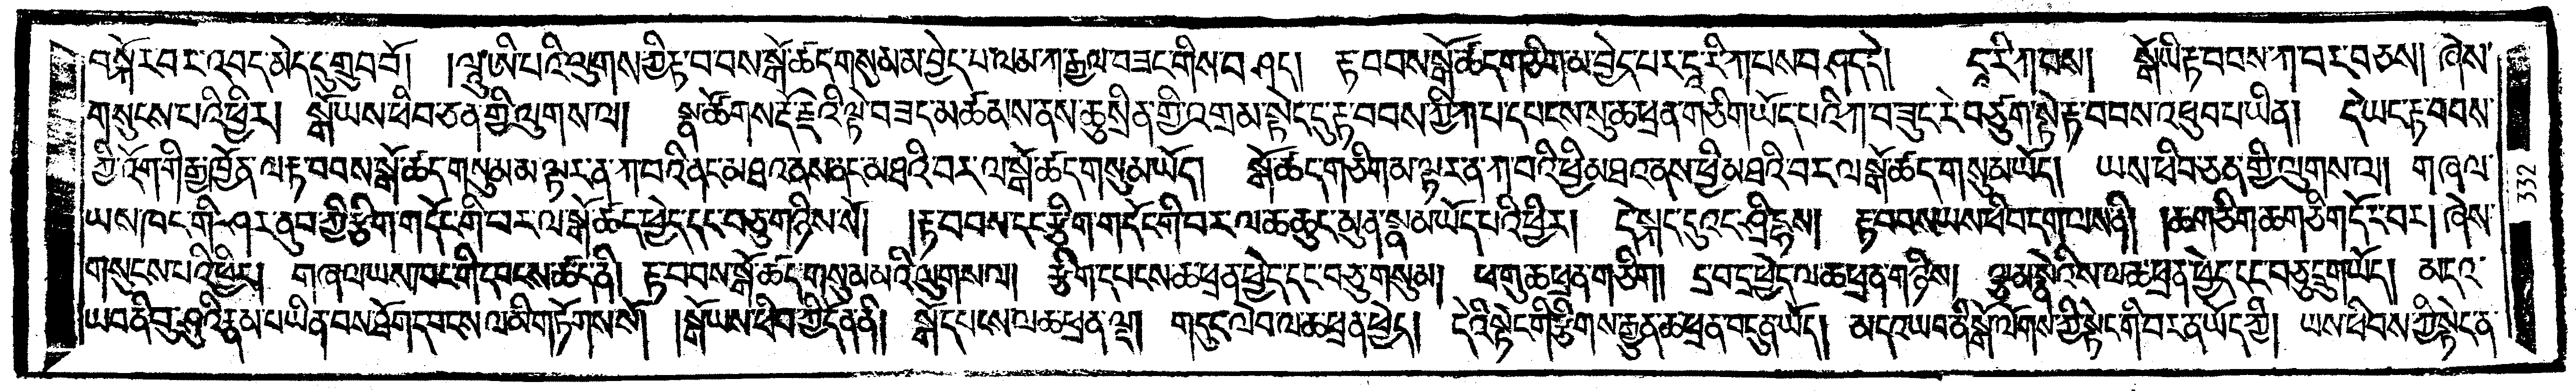བསྐོར་བར་འབད་མེད་དུ་གྲུབ་བོ། །ལཱུ་ཨི་པའི་ལུགས་ཀྱི་རྟ་བབས་སྒོ་ཚད་གསུམ་མ་བྱེད་པ་ལམ་ཀ་རྒྱལ་བཟང་གིས་བཤད། རྟ་བབས་སྒོ་ཚད་གཅིག་མ་བྱེད་པར་དཱ་རི་ཀ་པས་བཤད་དེ། དཱ་རི་ཀ་བས། སྒོ་ཡི་རྟ་བབས་ཀ་བར་བཅས། ཞེས་
གསུངས་པའི་ཕྱིར། སྒོ་ཡས་ཕིབ་ཅན་གྱི་ལུགས་ལ། སྣ་ཚོགས་རྡོ་རྗེའི་ལྟེ་བཟང་མཚམས་ནས་ཆུ་སྲིན་གྱི་འགྲམ་སྟེང་དུ་རྟ་བབས་ཀྱི་ཀ་པ་དཔངས་སུ་ཆ་ཕྲན་གཅིག་ཡོད་པའི་ཀ་བཟུང་རེ་བཙུག་སྟེ་རྟ་བབས་འཕུབ་པ་ཡིན། དེ་ཡང་རྟ་བབས་
ཀྱི་འོག་གི་རྒྱ་ཁྱོན་ལ་རྟ་བབས་སྒོ་ཚད་གསུམ་མ་ལྟར་ན་ཀ་བའི་ནང་མཐའ་ནས་ནང་མཐའི་བར་ལ་སྒོ་ཚད་གསུམ་ཡོད། སྒོ་ཚད་གཅིག་མ་ལྟར་ན་ཀ་བའི་ཕྱི་མཐའ་ནས་ཕྱི་མཐའི་བར་ལ་སྒོ་ཚད་གསུམ་ཡོད། ཡས་ཕིབ་ཅན་གྱི་ལུགས་ལ། གཞལ་
ཡས་ཁང་གི་ཤར་ནུབ་ཀྱི་རྩིག་གདོང་གི་བར་ལ་སྒོ་ཚད་ཕྱེད་དང་བཅུ་གཉིས་སོ། །རྟ་བབས་དང་རྩིག་གདོང་གི་བར་ལ་ཆ་ཆུང་མུན་སྣམ་ཡོད་པའི་ཕྱིར། དེ་སྐད་དུའང་ཤྲི་དྷས། རྟ་བབས་ཡས་ཕིབ་དག་ལས་ནི། །ཆ་གཅིག་ཆ་གཅིག་དོར་བར། ཞེས་
གསུངས་པའི་ཕྱིར། གཞལ་ཡས་ཁང་གི་དཔངས་ཚད་ནི། རྟ་བབས་སྒོ་ཚད་གསུམ་མའི་ལུགས་ལ། རྩིག་དཔངས་ཆ་ཕྲན་ཕྱེད་དང་བཅུ་གསུམ། ཕ་གུ་ཆ་ཕྲན་གཅིག། དྲ་བ་དྲ་ཕྱེད་ལ་ཆ་ཕྲན་གཉིས། ལྕམ་སྣེའི་ས་ལ་ཆ་ཕྲན་ཕྱེད་དང་བཅུ་དྲུག་ཡོད། མདའ་
ཡབ་ནི་བུ་ཤུའི་རྣམ་པ་ཡིན་པས་ཐོག་དཔངས་ལ་མི་གཏོགས་སོ། །སྒོ་ཡས་ཕིབ་ཀྱི་དོན་ནི། སྒོ་དཔངས་ལ་ཆ་ཕྲན་ལྔ། གདུང་ལེབ་ལ་ཆ་ཕྲན་ཕྱེད། དེའི་སྟེང་གི་རྩིགས་རྒྱུན་ཆ་ཕྲན་བདུན་ཡོད། མདའ་ཡབ་ནི་སྒོ་ལོགས་ཀྱི་སྟེང་གི་བར་ན་ཡོད་ཀྱི། ཡས་ཕིབས་ཀྱི་སྟེང་ན་